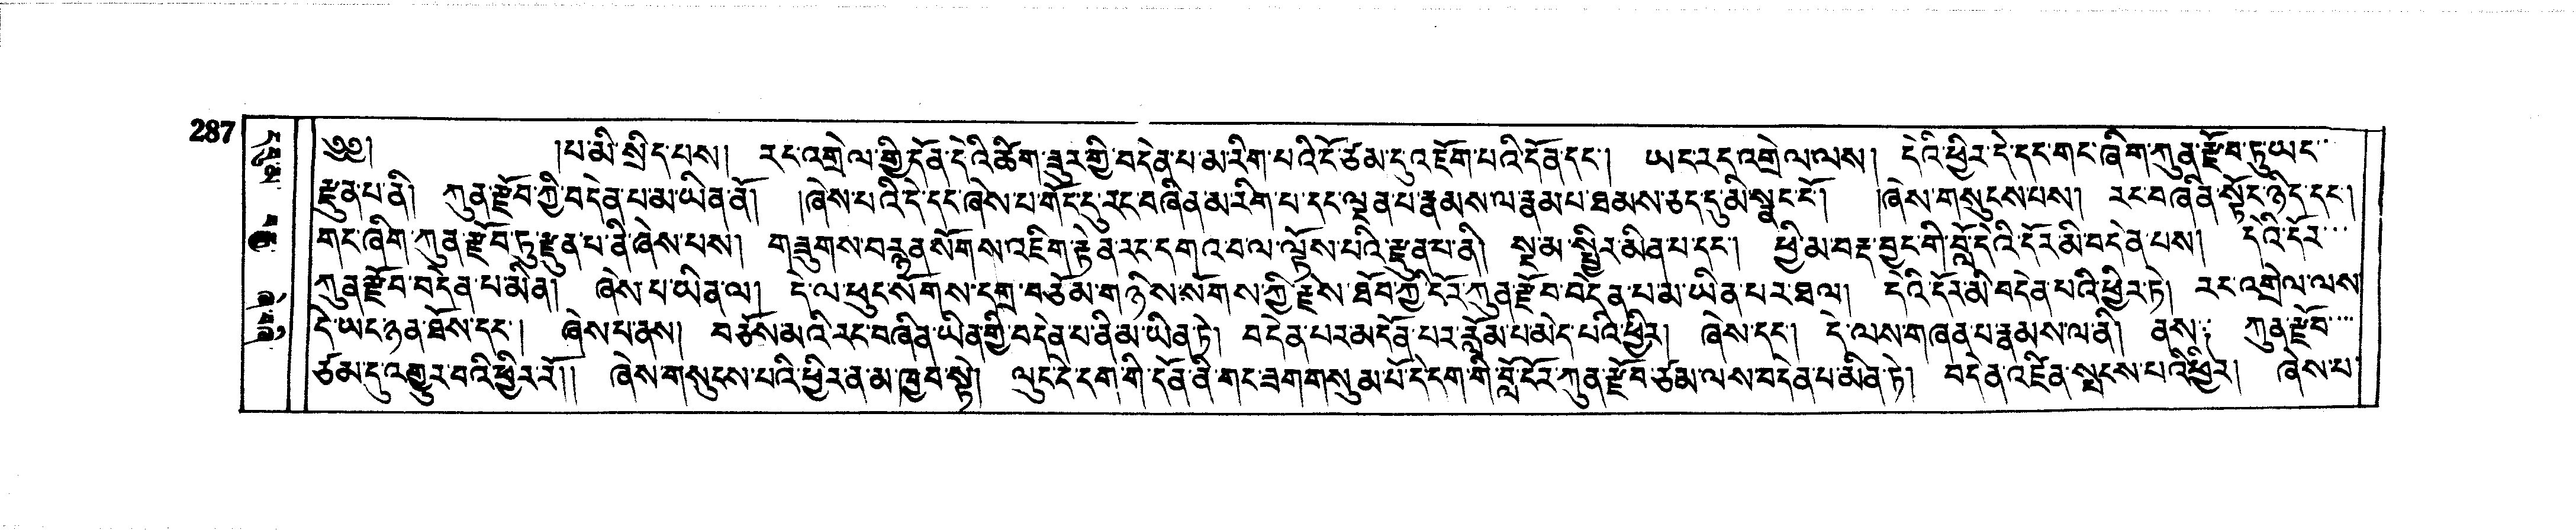༄༅། །པ་མི་སྲིད་པས། རང་འགྲེལ་གྱི་དོན་དེའི་ཚིག་ཟུར་གྱི་བདེན་པ་མ་རིག་པའི་ངོ་ཙམ་དུ་འཇོག་པའི་དོན་དང་། ཡང་རང་འགྲེལ་ལས། དེའི་ཕྱིར་དེ་དང་གང་ཞིག་ཀུན་རྫོབ་ཏུ་ཡང་
རྫུན་པ་ནི། ཀུན་རྫོབ་ཀྱི་བདེན་པ་མ་ཡིན་ནོ། །ཞེས་པའི་དེ་དང་ཞེས་པ་གོང་དུ་རང་བཞིན་མ་རིག་པ་དང་ལྡན་པ་རྣམས་ལ་རྣམ་པ་ཐམས་ཅད་དུ་མི་སྣང་ངོ། །ཞེས་གསུངས་པས། རང་བཞིན་སྟོང་ཉིད་དང་།
གང་ཞིག་ཀུན་རྫོབ་ཏུ་རྫུན་པ་ནི་ཞེས་པས། གཟུགས་བརྙན་སོགས་འཇིག་རྟེན་རང་དགའ་བ་ལ་ལྟོས་པའི་རྫུན་པ་ནི། སྔ་མ་སྤྱིར་མིན་པ་དང་། ཕྱི་མ་བརྡ་བྱང་གི་བློ་དེའི་དོར་མི་བདེན་པས། དེའི་དོར་
ཀུན་རྫོབ་བདེན་པ་མིན། ཞེས་པ་ཡིན་ལ། དེ་ལ་ཕུང་སོགས་དགྲ་བཅོམ་གཉིས་སོགས་ཀྱི་རྗེས་ཐོབ་ཀྱི་ངོར་ཀུན་རྫོབ་བདེན་པ་མ་ཡིན་པར་ཐལ། དེའི་དོར་མི་བདེན་པའི་ཕྱིར་ཏེ། རང་འགྲེལ་ལས་
དེ་ཡང་ཉན་ཐོས་དང་། ཞེས་པ་ནས། བཅོས་མའི་རང་བཞི་ཉིན་གྱི་བདེན་པ་ནི་མ་ཡིན་ཏེ། བདེན་པར་མདོན་པར་རློམ་པ་མེད་པའི་ཕྱིར། ཞེས་དང་། དེ་ལས་གཞན་པ་རྣམས་ལ་ནི། ནས། ཀུན་རྫོབ་
ཙམ་དུ་འགྱུར་བའི་ཕྱིར་རོ།། ཞེས་གསུངས་པའི་ཕྱིར་ན་མ་ཁྱབ་སྟེ། ལུང་དེ་དག་གི་དོན་ནི་གང་ཟག་གསུམ་པོ་དེ་དག་གི་བློ་ངོར་ཀུན་རྫོབ་ཙམ་ལས་བདེན་པ་མིན་ཏེ། བདེན་འཛིན་སྤངས་པའི་ཕྱིར། ཞེས་པ་